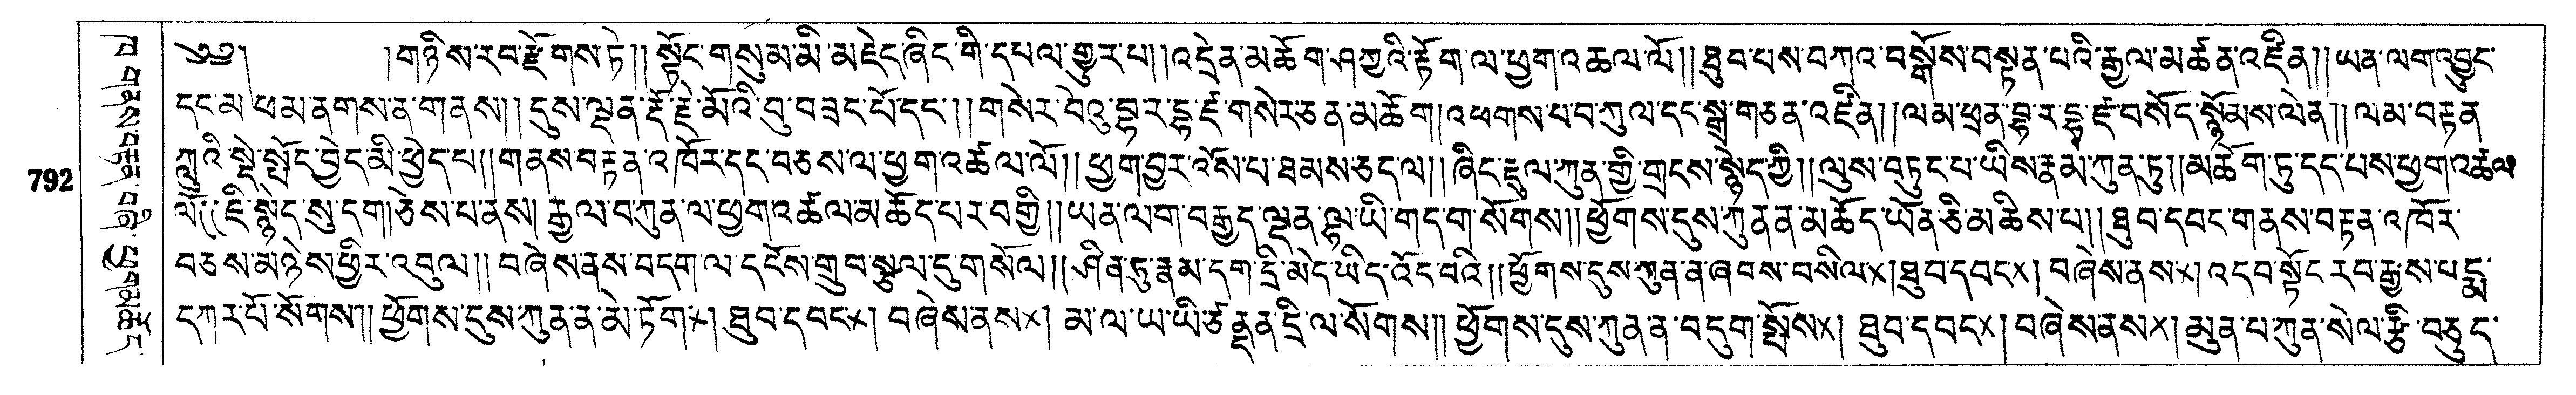༄༅། །གཉིས་རབ་རྫོགས་ཏེ། །སྟོང་གསུམ་མི་མཇེད་ཞིང་གི་དཔལ་གྱུར་པ། །འདྲེན་མཆོག་ཤཱཀྱའི་རྟོག་ལ་ཕྱག་འཚལ་ལོ། །ཐུབ་པས་བཀའ་བསྒོས་བསྟན་པའི་རྒྱལ་མཚན་འཛིན། །ཡན་ལག་འབྱུང་
དང་མ་ཕམ་ནགས་ན་གནས། །དུས་ལྡན་རྡོ་རྗེ་མོའི་བུ་བཟང་པོ་དང་། །གསེར་བེའུ་བྷ་ར་དྷ་ཛ་གསེར་ཅན་མཆོག། འཕགས་པ་བ་ཀུ་ལ་དང་སྒྲ་གཅན་འཛིན། །ལམ་ཕྲན་བྷ་ར་དྷྭ་ཛ་བསོད་སྙོམས་ལེན། །ལམ་བརྟན་
ཀླུའི་སྡེ་སྤོང་བྱེད་མི་ཕྱེད་པ། །གནས་བརྟན་འཁོར་དང་བཅས་ལ་ཕྱག་འཚལ་ལོ། །ཕྱག་བྱར་འོས་པ་ཐམས་ཅད་ལ། །ཞིང་རྡུལ་ཀུན་གྱི་གྲངས་སྙེད་ཀྱི། །ལུས་བཏུང་པ་ཡིས་རྣམ་ཀུན་ཏུ། །མཆོག་ཏུ་དད་པས་ཕྱག་འཚལ་
ལོ༑ ༑ཇི་སྙེད་སུ་དག །ཅེས་པ་ནས། རྒྱལ་བ་ཀུན་ལ་ཕྱག་འཚལ་མཆོད་པར་བགྱི། །ཡན་ལག་བརྒྱད་ལྡན་ལྷ་ཡི་གད་ག་སོགས། །ཕྱོགས་དུས་ཀུན་ན་མཆོད་ཡོན་ཅི་མཆིས་པ། །ཐུབ་དབང་གནས་བརྟན་འཁོར་
བཅས་མཉེས་ཕྱིར་འབུལ། །བཞེས་ནས་བདག་ལ་དངོས་གྲུབ་སྩལ་དུ་གསོལ། །ཤིན་ཏུ་རྣམ་དག་དྲི་མེད་ཡིད་འོང་བའི། །ཕྱོགས་དུས་ཀུན་ན་མཆོད་ཡོན་ཅི་མཆིས་པ། །ཐུབ་དབང་གནས་བརྟན་འཁོར་
དཀར་པོ་སོགས། །ཕྱོགས་དུས་ཀུན་ན་མེ་ཏོག྾། ཐུབ་དབང྾། བཞེས་ནས྾། མ་ལ་ཡ་ཡི་ཙནྡན་དྲི་ལ་སོགས། །ཕྱོགས་དུས་ཀུན་ན་བདུག་སྤོས྾། ཐུབ་དབང྾། བཞེས་ནས྾། མུན་པ་ཀུན་སེལ་རྩི་བཅུད་